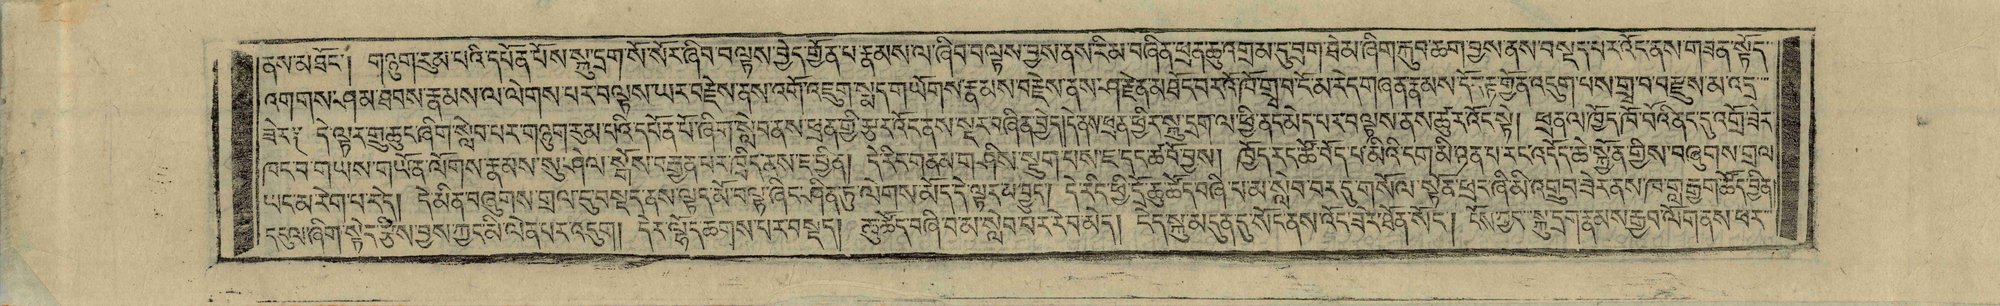ནས་མཐོང་། གཉུག་རུམ་པའི་དཔོན་པོས་སྐུ་དྲག་སོ་སོར་ཞིབ་བལྟས་བྱེད་གྱོན་པ་རྣམས་ལ་ཞིབ་བལྟས་བྱས་ནས་རིམ་བཞིན་ཕྲན་ཆུ་འགྲམ་དུ་བྲག་ཐེམ་ཞིག་རྐུབ་ཆག་བྱས་ནས་བསྡད་པར་འོང་ནས་གཟན་སྟོད་
འགགས་ཤམ་ཐབས་རྣམས་ལ་ལེགས་པར་བལྟས་ཡར་བརྗེས་ནས་འགོ་འཇུག་སྨད་གཡོགས་རྣམས་བརྗེས་ནས་ཤ་རྗེན་མཐོང་བར་འོ་ཁོ་གྲྭ་བ་ངོ་མ་རེད་གཞན་རྣམས་དོར་རྟ་གྱོན་འདུག་པས་གྲྭ་བ་བརྫུས་མ་འདྲ་
ཟེར། དེ་ལྟར་གྲུ་ཆུང་ཞིག་སླེབ་པར་གཉུག་རུམ་པའི་དཔོན་པོ་ཞིག་སླེབ་ནས་ཕྲན་གྱི་རྩར་འོང་ནས་སྔར་བཞིན་བྱེད། དེ་ནས་ཕྲན་ཕྱིར་སྐུ་དྲག་ལ་ཕྱི་ནང་མེད་པར་བལྟས་ནས་ཚུར་འོང་སྟེ། ཕྲན་ལ་ཁྱོད་ཁོ་བོའི་ནང་དུ་འགྲོ་ཟེར་
ཁང་པ་གཡས་གཡོན་ལོགས་རྣམས་སུ་ཤེལ་སྒོས་བརྒྱན་པར་ཁྲིད་ནས་ཇ་བྱིན། དེ་རིང་གནམ་གཤིས་སྡུག་པས་ཇ་དང་ཚ་བོ་བྱས། ཁྱོད་རང་ཚོ་བོད་པ་མིའི་ངག་མི་ཉན་པ་རང་འདོད་ཆེ་སྐྱོན་གྱིས་བཞུགས་གྲལ་
ཡང་མ་རེག་པ་རེད། དེ་མིན་བཞུགས་གྲལ་དུ་བསྡད་ནས་ལྟད་མོ་བལྟ་ཞིང་ཤིན་ཏུ་ལེགས་མོད་དེ་ལྟར་མ་བྱུང་། དེ་རིང་ཕྱི་དྲོ་ཆུ་ཚོད་བཞི་པ་མ་སླེབ་པར་དུ་གསོལ་སྟོན་ཕྲད་ཞི་མི་འགྲུབ་ཟེར་ནས་ཁ་གླ་རྒྱག་ཚོད་བྱིན།
དངུལ་ཞིག་སྟེར་རྩིས་བྱས་ཀྱང་མི་ལེན་པར་འདུག །དེར་ལྷོད་ཆགས་པར་བསྡད། ཆུ་ཚོད་བཞི་བ་མ་སླེབ་པར་རེ་བ་མེད། ངེད་སྐུ་མདུན་དུ་སོང་ནས་འོང་ཟེར་ཐོན་སོང་། ངོས་ཀྱང་སྐུ་དྲག་རྣམས་རྒྱབ་ལོག་ནས་ཕར་